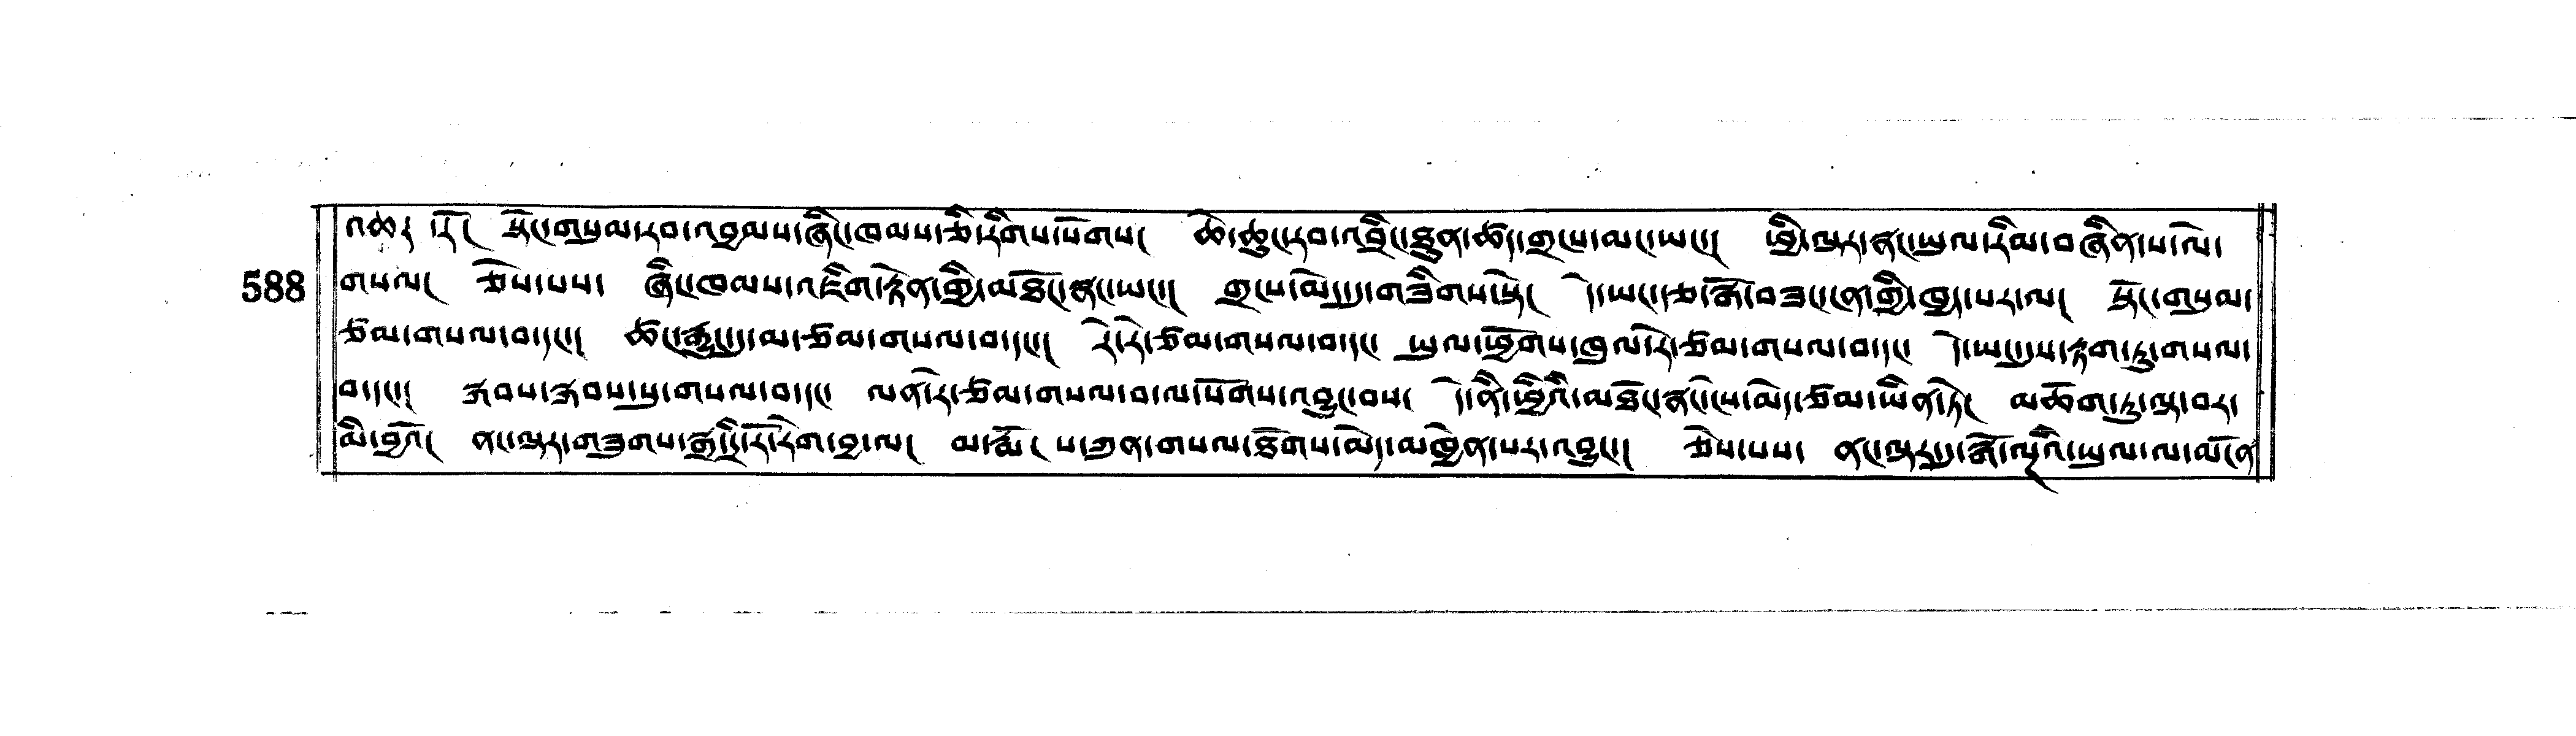འཆར་རོ། སྟོང་གསུམ་རབ་འབྱམས་ཞིང་ཁམས་ཅི་རིགས་སོགས། ཆེ་ཆུང་རབ་འབྲིང་ཐུན་ཚད་གྲངས་མང་ཡང་། ཕྱི་ལྟར་སྣང་ཡུལ་རིམ་བཞིན་ས་ལེ་
གསལ། ཅེས་པས། ཞིང་ཁམས་འཇིག་རྟེན་གྱི་མཐོང་སྣང་ཡང་། གྲངས་མེད་དུ་གཟིགས་ཏེ། དེ་ཡང་རྩ་སྒོ་བཟང་ངན་གྱི་ཁྱད་པར་ལ། སྟོང་གསུམ་
ཙམ་གསལ་བ་དང་། ཚང་རྒྱུང་དུ་མ་ཙམ་གསལ་བ་དང་། རེ་རེ་ཙམ་གསལ་བ་དང་། ཡུལ་ཕྱོགས་ཁུལ་རེ་ཙམ་གསལ་བ་དང་། དེ་ཡང་དུས་རྟག་ཏུ་གསལ་
བ་དང་། སྐབས་སྐབས་སུ་གསལ་བ་དང་། ལན་རེ་ཙམ་གསལ་བ་ལ་སོགས་འབྱུང་བས། དེ་ནི་ཕྱི་ཡི་མཐོང་སྣང་ངེས་མེད་ཙམ་ཡིན་ཏེ། མཆོག་ཏུ་ལྟ་བར་
མི་བྱའོ། ནང་ལྟར་གཟུགས་སྒྲ་དྲི་རོ་རེག་བྱ་ལ། མ་རྨོངས་ཀུན་གསལ་ཐོགས་མེད་མཁྱེན་པར་འབྱུང་། ཅེས་པས། ནང་ལྟར་དུ་སྒོ་ལྔའི་ཡུལ་དུ་མངོན་